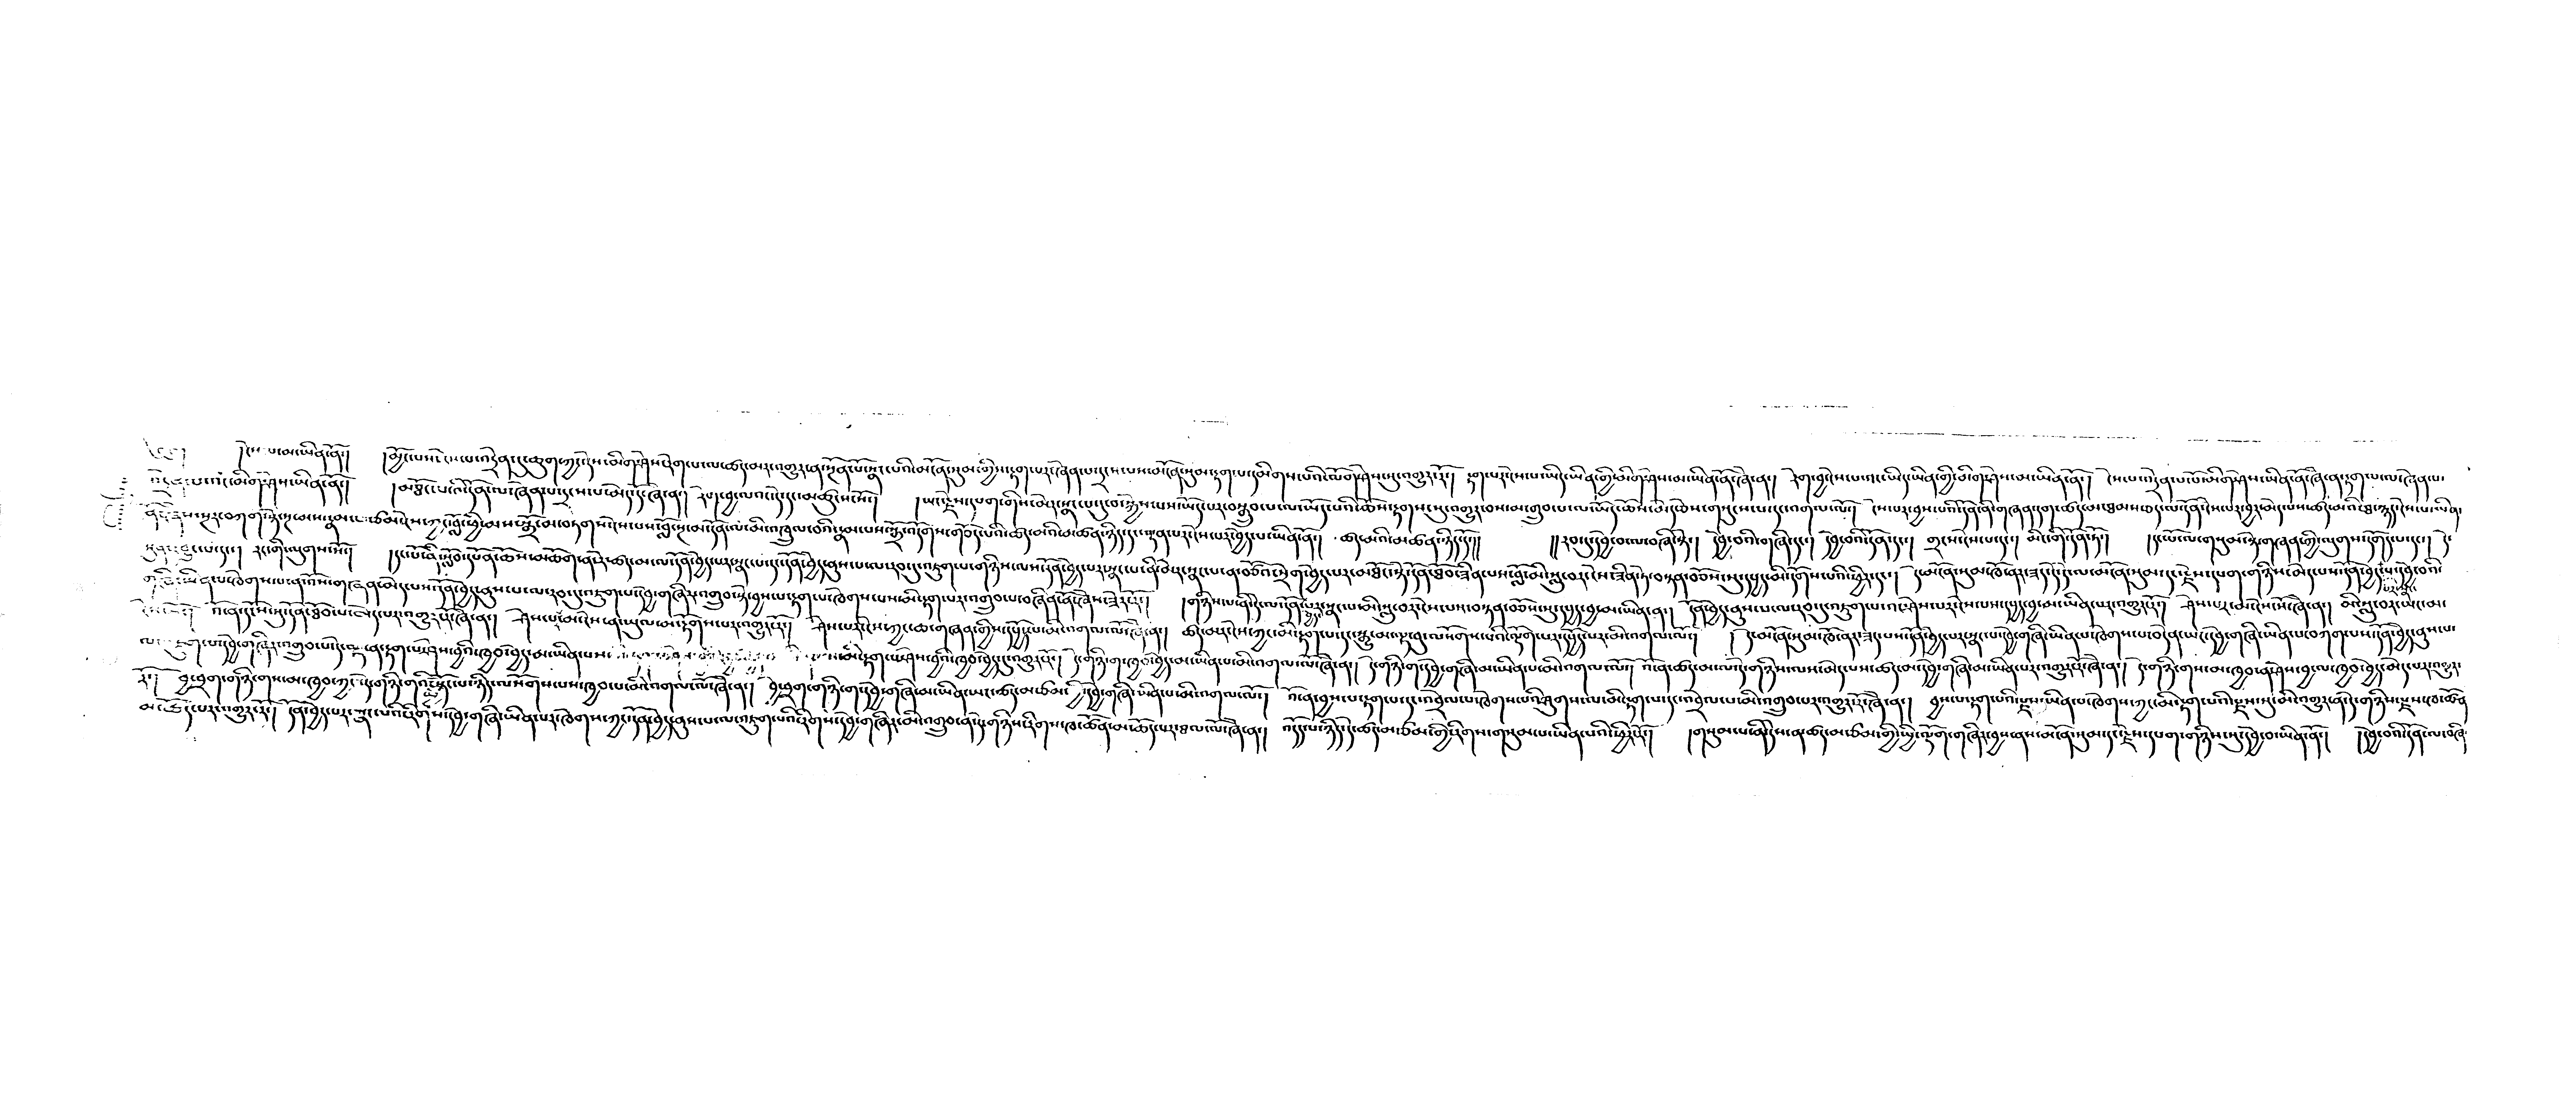༄༅། །ངེས་པ་མ་ཡིན་ནོ། །མྱོང་པས་ངེས་པ་འདྲེན་དུ་ཆུག་ཀྱང་དེས་མིག་ཤེས་རེག་པ་ལ་ཚད་མར་འགྱུར་ན་སྔོན་པོ་སྣང་པའི་མངོན་སུམ་གྱིས་རྟག་པར་ཞེན་པ་དྲངས་པས་མངོན་སུམ་རྟག་པ་དམིགས་པའི་ལོག་ཤེས་སུ་འགྱུར་རོ། རྟག་པར་ངེས་པ་ཡིད་ཡིན་གྱི་མིག་ཤེས་མ་ཡིན་ནོ་ཞེ་ན། རེག་བྱ་ངེས་པ་འང་ཡིད་ཡིན་གྱི་མིག་ཤེས་མ་ཡིན་ནོ། ངེས་པ་འདྲེན་པ་པོ་མིག་ཤེས་ཡིན་ནོ་ཞེ་ན་རྟག་པ་ལ་ཞེན་པ་
འདྲེན་པ་འང་མིག་ཤེས་ཡིན་ནོ། །མཐོང་པའི་དོན་ལ་ཞེན་པ་དྲངས་པ་མེད་དོ་ཞེ་ན། རེག་བྱ་ལའང་དེ་དང་མཚུངས་སོ། །ཡང་རྗེས་དཔག་གིས་མེར་སྣང་པ་དུ་བ་སྐྱེས་པས་ཡོད་པར་བསྒྲུབ་པ་ལ་ཡོད་པའི་ཆོས་རྟགས་སུ་འགྱུར་བས་མ་གྲུབ་པ་ལ་ཡོད་ཆོས་མེད་ཅེས་གསུངས་པ་དང་འགལ་ལོ། ངེས་པར་བྱས་པའི་དོན་ནི་གཞན་དག་ཚད་མ་ཐམས་ཅད་ལ་དོན་ངེས་པར་བྱར་མེད་པས་ཚད་མའི་ཐ་སྙད་ངེས་པ་ཡིན་
ནོ་ཞེས་སྔར་བཀག་སྟེ་སྔ་མས་རྣམ་པ་ཙམ་ངེས་ཀྱང་བློ་ཕྱི་མས་སྒྲོ་མ་བཏགས་ངེས་པས་བློ་སྔ་མ་དོན་ལ་མི་འཁྲུལ་བའི་རྣམ་པས་སྒྲོ་འདོགས་གཅོད་པའི་ཚད་མའི་མཚན་ཉིད་དང་ལྡན་པར་ངེས་པར་བྱེད་པ་ཡིན་ནོ། ཚད་མའི་མཚན་ཉིད་དོ།། །།རབ་དུ་དབྱེ་བ་ལ་བཞི་སྟེ། དབྱེ་བའི་གཞི་དང་། དབྱེ་བའི་དོན་དང་། གྲངས་ངེས་པ་དང་། མིང་གི་དོན་ཏོ། །དང་པོ་ལ་གསུམ་སྟེ་གཞན་གྱི་ལུགས་དགོད་པ་དང་། དེ་
སུན་འབྱུང་པ་དང་། རང་གི་ལུགས་སོ། །དང་པོ་ནི་སློབ་དཔོན་ཆོས་མཆོག་ན་རེ་ཚད་མ་ལ་དོན་བྱེད་པར་སྣང་པ་དང་དོན་བྱེད་ནུས་པ་ལ་རབ་དུ་འཇུག་པ་གཉིས་ལས་དོན་བྱེད་པར་སྣང་པ་ནི་མེར་སྣང་པ་ན་བཙོའ་སྲེག་བྱེད་པར་མཐོང་སྟེ་དོན་ཐོབ་ཟིན་པས་བློ་མི་སླུ་བར་ངེས་ཟིན་ཏེ་བསྟན་བཅོས་སུ་དཔྱད་མི་དགོས་པའི་ཕྱིར་དང་། དེ་མངོན་སུམ་ཁོ་ནར་ཟད་དེ་དེ་ལ་མངོན་སུམ་དང་རྗེས་དཔག་གཉིས་མེད་པས་དོན་བྱེད་པར་སྣང་པ་དབྱེ་བའི་
གཞི་ཡིན་པ་ཁེགས་པ་ན་འོས་གཞན་མེད་པས་དོན་བྱེད་ནུས་པ་མ་རབ་དུ་འཇུག་པ་དབྱེ་གཞིར་འགྲུབ་སྟེ་བྱས་པ་རྟག་པ་ཁེགས་པས་མི་རྟག་པར་འགྲུབ་པ་བཞིན་ནོ་ཞེས་ཟེར་རོ། །གཉིས་པ་ནི་དེ་ལ་དོན་བྱེད་པར་སྣང་པ་མི་སླུ་བར་ངེས་པས་བསྟན་བཅོས་སུ་དཔྱད་བྱ་བ་མ་ཡིན་ན། དོན་བྱེད་ནུས་པ་ལ་རབ་དུ་འཇུག་པ་འང་ཤེས་པར་ངེས་པས་དཔྱད་བྱ་མ་ཡིན་པར་འགྱུར་རོ། ཤེས་པར་མ་ངེས་སོ་ཞེ་ན། མི་སླུ་བར་ཡང་མ་
ངེས་སོ། འོ་ན་དངོས་སུ་དོན་ཐོབ་པ་མེད་པར་འགྱུར་རོ་ཞེ་ན། ཤེས་པར་མ་ངེས་ན་ཡུལ་མ་རྟོགས་པར་འགྱུར་རོ། ཤེས་པར་ངེས་ཀྱང་ཆ་གཞན་གྱིས་དཔྱོད་པ་མི་འགལ་ལོ་ཞེ་ན། ཚད་མར་ངེས་ཀྱང་མི་རྟག་པ་དང་སྒྱུ་མ་ལྟ་བུ་ལ་སོགས་པའི་ལྡོག་པར་དཔྱོད་པར་མི་འགལ་ལོ། །དེ་མངོན་སུམ་ཁོ་ནར་ཟད་པས་དོན་བྱེད་པར་སྣང་པ་དབྱེ་གཞི་ཡིན་པ་ཁེགས་པ་བདེན་ཡང་དབྱེ་གཞི་ཡིན་པ་བཀག་པས་དོན་བྱེད་ནུས་པ་
ལ་འཇུག་པ་དབྱེ་གཞིར་འགྲུབ་པ་དེ་ལྟ་ན་རྟག་པ་ཤེས་བྱའི་ཁྱབ་བྱེད་མ་ཡིན་པས་མི་རྟག་པ་ཤེས་བྱའི་ཁྱབ་??་མི་རྟག་པ་ཤེས་བྱའི་ཁྱབ་བྱེད་དུ་འགྱུར་རོ། དེ་གཉི་ག་ཁྱབ་བྱེད་མ་ཡིན་པ་མི་འགལ་ལོ་ཞེ་ན། དེ་གཉི་ག་དབྱེ་གཞི་མ་ཡིན་པ་མི་འགལ་ལོ། འོ་ན་ཚད་མ་ལ་དེ་གཉིས་ལས་མེད་པས་ཚད་མ་དབྱེ་གཞི་མ་ཡིན་པར་འགྱུར་རོ་ཞེ་ན། དེ་གཉི་གས་མ་ཁྱབ་ན་ཤེས་བྱ་ལ་ཁྱབ་བྱེད་མེད་པར་འགྱུར་
རོ། བྱེ་བྲག་གཉི་གས་མ་ཁྱབ་ཀྱང་དེ་གཉི་གའི་སྤྱི་སྟོང་པ་ཉིད་ལ་སོགས་པས་ཁྱབ་པ་མི་འགལ་ལོ་ཞེ་ན། བྱེ་བྲག་གཉི་ག་དབྱེ་གཞི་མ་ཡིན་ཡང་ཚད་མ་ཙམ་གྱི་དབྱེ་གཞི་ཡིན་པ་མི་འགལ་ལོ། འོ་ན་བྱས་པ་རྟག་པ་དང་འབྲེལ་པ་ཁེགས་པའི་ཤུགས་ལ་མི་རྟག་པ་དང་འབྲེལ་པ་མི་འགྲུབ་པར་འགྱུར་རོ་ཞེ་ན། བྱས་པ་རྟག་པའི་རྫས་ཡིན་པ་ཁེགས་ཀྱང་མི་རྟག་པའི་རྫས་སུ་མི་འགྱུར་ན་དེ་གཉིས་རྫས་ཁ་ཚོན་
མ་ཆོད་པར་འགྱུར་རོ། དོན་བྱེད་པར་སྣང་པའི་རིགས་དབྱེ་གཞི་ཡིན་པར་ཁེགས་ཀྱང་དོན་བྱེད་ནུས་པ་ལ་འཇུག་པའི་རིགས་དབྱེ་གཞིར་མི་འགྲུབ་ན་དེ་གཉིས་རིགས་ཁ་ཚོན་མ་ཆོད་པར་ཐལ་ལོ་ཞེ་ན། འདོད་པ་ཉིད་དེ་ཚད་མ་ཙམ་གྱི་རིགས་གསུམ་པ་ཡིན་པའི་ཕྱིར་རོ། །གསུམ་པ་ནི་དེས་ན་ཚད་མ་ཙམ་གྱི་སྤྱི་ལྡོག་གཞིར་བྱས་ནས་མངོན་སུམ་དང་རྗེས་དཔག་གཉིས་སུ་དབྱེ་བ་ཡིན་ནོ། །དབྱེ་བའི་དོན་ལ་བཞི་